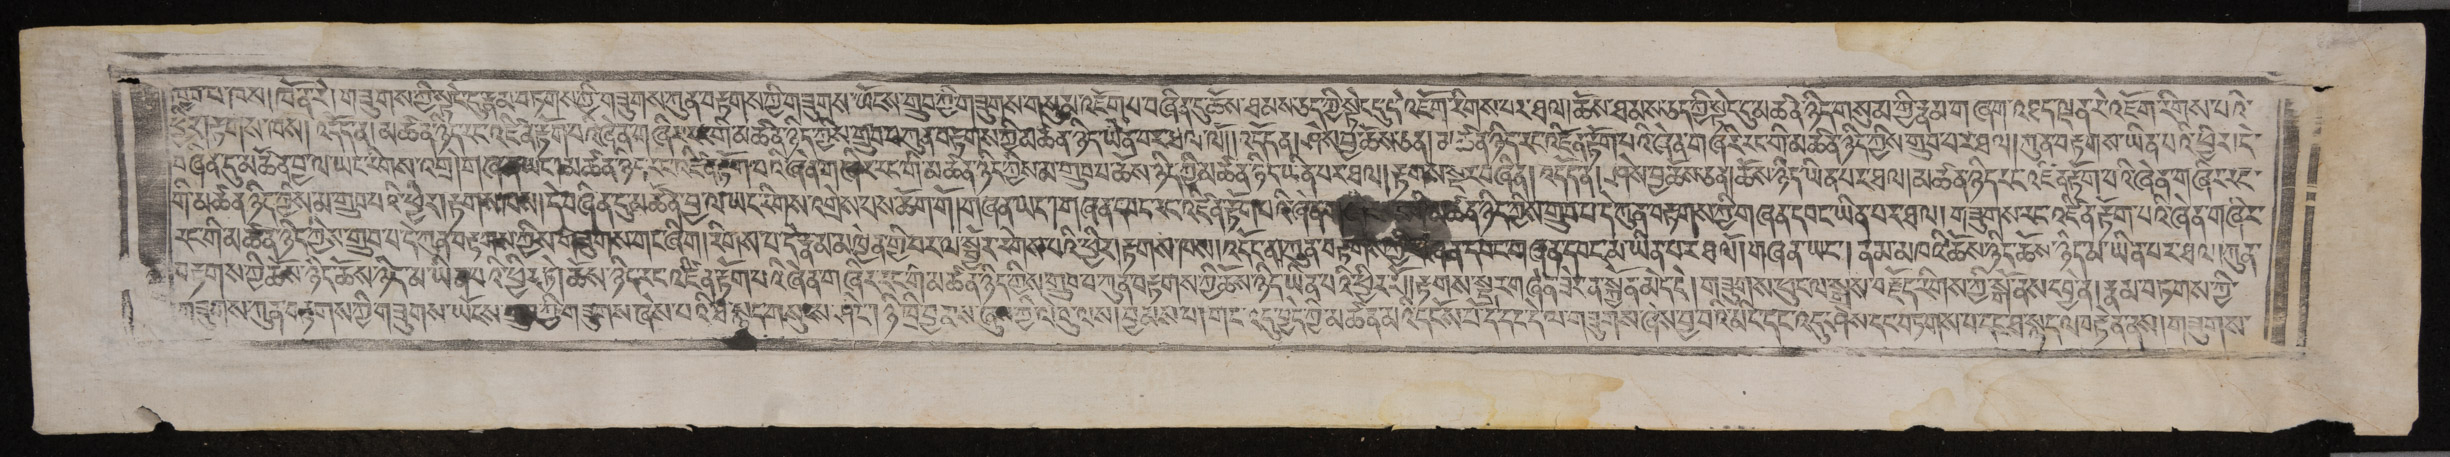ཁྱབ་པ་ཁས། ཁོ་ན་རེ། གཟུགས་ཀྱི་སྟེང་དུ་རྣམ་བཏགས་ཀྱི་གཟུགས་ཀུན་བརྟགས་ཀྱི་གཟུགས་ཡོངས་གྲུབ་ཀྱི་གཟུགས་གསུམ་འཇོག་པ་བཞིན་དུ་ཆོས་ཐམས་ཅད་ཀྱི་སྟེང་དུ་དེ་འཇོག་རིགས་པར་ཐལ། ཆོས་ཐམས་ཅད་ཀྱི་སྟེང་དུ་མཚན་ཉིད་གསུམ་གྱི་རྣམ་གཞག་འཐད་ལྡན་རེ་འཇོག་རིགས་པའི་
ཕྱིར། རྟགས་ཁས། འདོད་ན། མཚན་ཉིད་རང་འཛིན་རྟོག་པའི་ཞེན་གཞིར་རང་གི་མཚན་ཉིད་ཀྱིས་གྲུབ་པ་ཀུན་བརྟགས་ཀྱི་མཚན་ཉིད་ཡིན་པར་ཐལ་ལོ། །འདོད་ན། ཤེས་བྱ་ཆོས་ཅན། མཚན་ཉིད་རང་འཛིན་རྟོག་པའི་ཞེན་གཞིར་རང་གི་མཚན་ཉིད་ཀྱིས་གྲུབ་པར་ཐལ། ཀུན་བརྟགས་ཡིན་པའི་ཕྱིར། དེ་
བཞིན་དུ་མཚོན་བྱ་ལ་ཡང་རིགས་འགྲེ། གཞན་ཡང་། མཚན་ཉིད་རང་འཛིན་རྟོག་པའི་ཞེན་གཞིར་རང་གི་མཚན་ཉིད་ཀྱིས་མ་གྲུབ་པ་ཆོས་ཉིད་ཀྱི་མཚན་ཉིད་ཡིན་པར་ཐལ། རྟགས་སྔར་བཞིན། འདོད་ན། ཤེས་བྱ་ཆོས་ཅན། ཆོས་ཉིད་ཡིན་པར་ཐལ། མཚན་ཉིད་རང་འཛིན་རྟོག་པའི་ཞེན་གཞིར་རང་
གི་མཚན་ཉིད་ཀྱིས་མ་གྲུབ་པའི་ཕྱིར། རྟགས་ཁས། དེ་བཞིན་དུ་མཚོན་བྱ་ལ་ཡང་རིགས་འགྲེས་པས་ཆོག་གོ། གཞན་ཡང་། གཞན་དབང་རང་འཛིན་རྟོག་པའི་ཞེན་གཞིར་རང་གི་མཚན་ཉིད་ཀྱིས་གྲུབ་པ་དེ་ཀུན་བརྟགས་ཀྱི་གཞན་དབང་ཡིན་པར་ཐལ། གཟུགས་རང་འཛིན་རྟོག་པའི་ཞེན་གཞིར་
རང་གི་མཚན་ཉིད་ཀྱིས་གྲུབ་པ་དེ་ཀུན་བརྟགས་ཀྱིས་གཟུགས་གང་ཞིག །རིགས་པ་དེ་རྣམ་མཁྱེན་གྱི་བར་ལ་སྦྱོར་རིགས་པའི་ཕྱིར། རྟགས་ཁས། འདོད་ན། ཀུན་བརྟགས་ཀྱི་གཞན་དབང་གཞན་དབང་མ་ཡིན་པར་ཐལ་ལོ། གཞན་ཡང་། ནམ་མཁའི་ཆོས་ཉིད་ཆོས་ཉིད་མ་ཡིན་པར་ཐལ། ཀུན་
བརྟགས་ཀྱི་ཆོས་ཉིད་ཆོས་ཉིད་མ་ཡིན་པའི་ཕྱིར་ཏེ། ཆོས་ཉིད་རང་འཛིན་རྟོག་པའི་ཞེན་གཞིར་རང་གི་མཚན་ཉིད་ཀྱིས་གྲུབ་པ་ཀུན་བརྟགས་ཀྱི་ཆོས་ཉིད་ཡིན་པའི་ཕྱིར་རོ། །རྟགས་སྔར་བཞིན་ཟེར་ན་སྐྱོན་མེད་དེ། གཟུགས་ཕུང་ལ་སྒྲས་བརྗོད་རིགས་ཀྱིས་གོ་ནས་དབྱེ་ན། རྣམ་བཏགས་ཀྱི་
གཟུགས་ཀུན་བརྟགས་ཀྱི་གཟུགས་ཡོངས་གྲུབ་ཀྱི་གཟུགས་ཞེས་པའི་ཐ་སྙད་གསུངས་ཤིང་། ཉི་ཁྲི་བྱམས་ཞུས་ཀྱི་ལེའུ་ལས། བྱམས་པ། གང་འདུ་བྱེད་ཀྱི་མཚན་མའི་དངོས་པོ་དེ་དང་དེ་ལ་གཟུགས་ཞས་བྱ་བའི་མིང་དང་འདུ་ཤེས་དང་བཏགས་པ་དང་ཐ་སྙད་ལ་བརྟེན་ནས། གཟུགས་